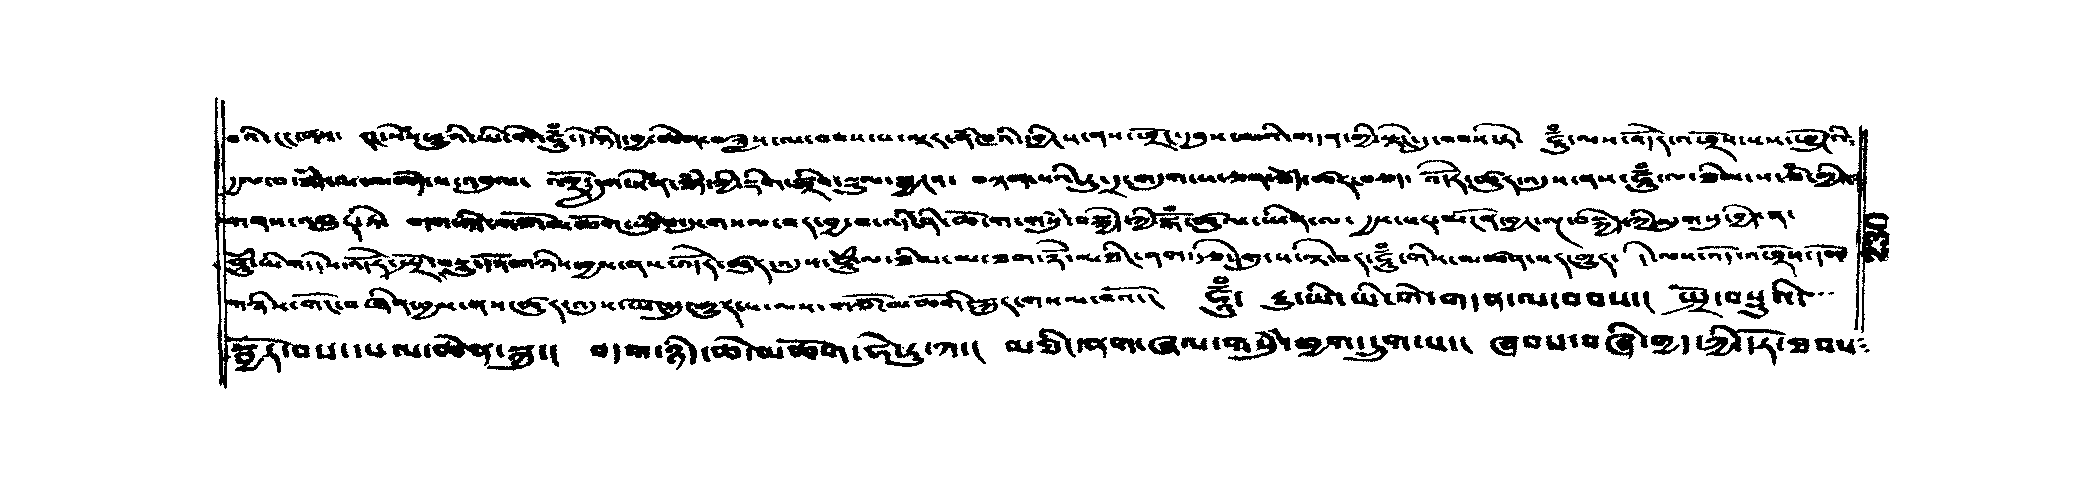བའི་ངང་ནས། རང་སེམས་རྒྱུའི་ཡི་གེ་ཧཱུྃ་དེ་ཉིད་བྱ་ཆེན་བཟླས་པ་ལ་བབས་པ་ལྟར་ནམ་མཁའ་དབྱིངས་ནས་ཕོ་བྲང་དབུས་མའི་གདན་གྱི་སྟེང་དུ་བབས་ཏེ། ཧཱུྃ་ལས་འོད་ཟེར་འཕྲོས་པས་ཕྱོགས་བཅུའི་
རྒྱལ་བ་ཐམས་ཅད་ལ་མཆོད་པ་འབུལ། འགྲོ་དྲུག་སེམས་ཅན་ཐམས་ཅད་ཀྱི་སྡིག་སྒྲིབ་སྡུག་བསྔལ་སྦྱངས། བསྟན་པའི་རུ་དྲ་གདུག་པ་ཅན་ཐམས་ཅད་ཚར་བཅད། འོད་ཟེར་ཚུར་འདུས་ནས་ཧཱུྃ་ལ་ཐིམ་པ་ཙམ་གྱིས་
གནས་འགྱུར་ཏེ། བདག་གི་གཙོ་མཆོག་ཡབ་ཡུམ་དུ་གསལ་བར་བྱ་བ་འདི་ནི་ཆོ་ག་གསུམ་བསྐྱེད་ཀྱི་སྒོམ་ཚུལ་ཡིན་ལ། རྒྱས་པར་མངོན་བྱང་ལྔ་བསྐྱེད་ཀྱི་ལུགས་སུ་བྱེད་ན། 
ཧཱུྃ་ཡིག་དེས་འོད་ཟེར་སྤྲོ་བསྡུ་དོན་གཉིས་བྱས་ནས་འོད་ཟེར་ཚུར་བསྡུས་ཧཱུྃ་ལ་ཐིམ་མ་ཐག་རྡོ་རྗེ་མཐིང་ནག་རྩེ་དགུ་པ་ལྟེ་བར་ཧཱུྃ་གིས་མཚན་པར་གྱུར། དེ་ལས་འོད་འཕྲོས་དོན་
གཉིས་གོང་བཞིན་བྱས་ནས་ཚུར་འདུས་ཡོངས་སུ་གྱུར་པ་ལས་གཙོ་མཆོག་སྐུར་གསལ་བའོ། ཧཱུྃ། རྒྱུ་ཡི་ཡི་གེ་གདན་ལ་བབས། །སྤྲོ་བསྡུའི་
སྦྱོར་བས་དཔལ་ཆེན་སྐུ། །བདག་ཉིད་ཆེ་མཆོག་ཧེ་རུ་ཀ། །མཐིང་ནག་ཞལ་གསུམ་ཕྱག་དྲུག་པ། །ཞབས་བཞི་གྱད་ཀྱི་དོར་ཐབས་